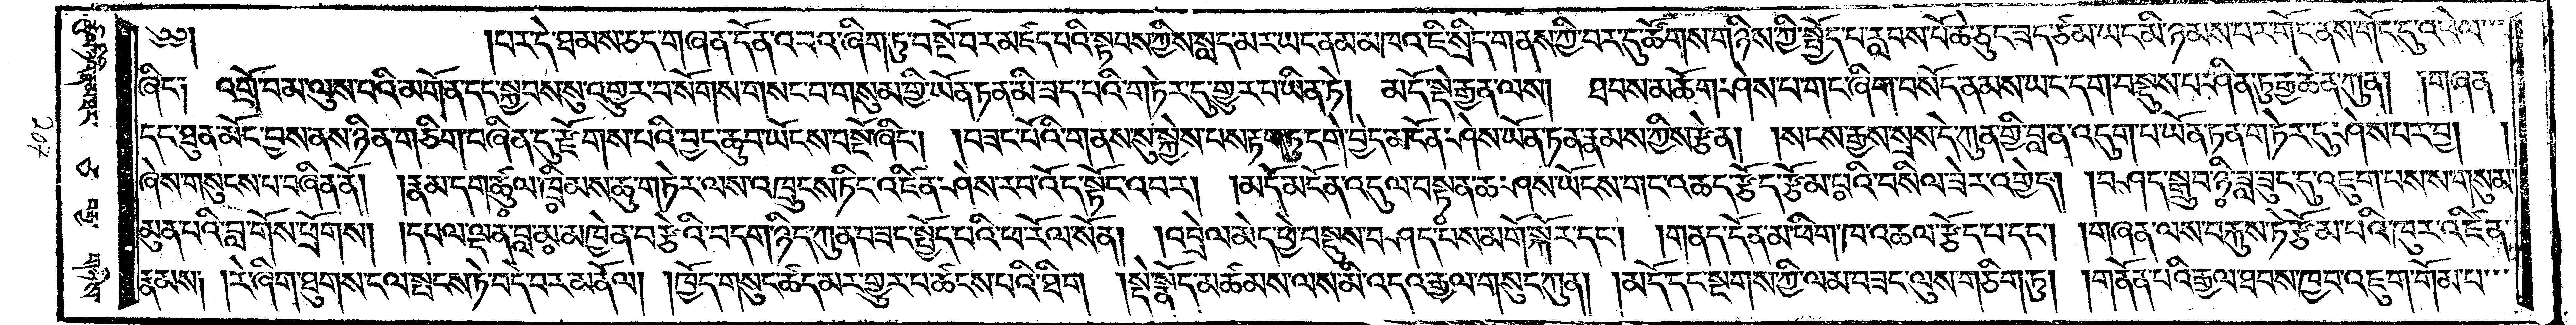༄༅། །པར་དེ་ཐམས་ཅད་གཞན་དོན་འབའ་ཞིག་ཏུ་བསྔོ་བར་མཛད་བའི་སྟབས་ཀྱིས་སླད་མར་ཡང་ནམ་མཁའ་ཇི་སྲིད་གནས་ཀྱི་བར་དུ་ཚོགས་གཉིས་ཀྱི་སྤྱོད་པ་རླབས་པོ་ཆེ་ཅུང་ཟད་ཙམ་ཡང་མི་ཉམས་པར་གོང་ནས་གོང་དུ་འཕེལ་
ཞིང༑ འགྲོ་བ་མ་ལུས་པའི་མགོན་དང་སྐྱབས་སུ་འགྱུར་བ་སོགས་གསང་བ་གསུམ་གྱི་ཡོན་ཏན་མི་ཟད་བའི་གཏེར་དུ་གྱུར་བ་ཡིན་ཏེ། མདོ་སྡེ་རྒྱན་ལས། ཐབས་མཆོག་ཤེས་པ་གང་ཞིག་བསོད་ནམས་ཡང་དག་བསྡུས་པ་ཤིན་ཏུ་རྒྱ་ཆེན་ཀུན། །གཞན་
དང་ཐུན་མོང་བྱས་ནས་ཉིན་གཅིག་བཞིན་དུ་རྫོགས་པའི་བྱང་ཆུབ་ཡོངས་བསྔོ་ཞིང་། །བཟང་པོའི་གནས་སུ་སྐྱེས་བས་རྟག་ཏུ་དགེ་བྱེད་མངོན་ཤེས་ཡོན་ཏན་རྣམས་ཀྱིས་རྩེ་ན། །སངས་རྒྱས་སྲས་དེ་ཀུན་གྱི་བླ་ན་འདུག་པ་ཡོན་ཏན་གཏེར་དུ་ཤེས་པར་བྱ། །
ཞེས་གསུངས་པ་བཞིན་ནོ། །རྣམ་དག་ཚུལ་ཁྲིམས་ཆུ་གཏེར་ལས་འཁྲུངས་ཏིང་འཛིན་ཤེས་རབ་འོད་སྟོང་འབར། །མདོ་མངོན་འདུལ་བསྟན་ཆ་ཤས་ཡོངས་གང་འཆད་རྩོད་རྩོམ་པའི་བསིལ་ཟེར་འགྱེད། །བཤད་སྒྲུབ་ཉི་ཟླ་ཟུང་དུ་འཐུག་པས་ས་གསུམ་
མུན་པའི་བླ་གོས་ཕྲོགས། །དཔལ་ལྡན་བླ་མ་མཁྱེན་བརྩེའི་བདག་ཉིད་ཀུན་བཟང་སྤྱོད་པའི་ཕ་རོལ་སོན། །འབྲེལ་མེད་ཕྱེ་བསྡུས་བཤད་པས་མགོ་སྐོར་དང་། །གནད་དོན་མ་ཕིག་ཁ་འཆལ་རྩོད་པ་དང་། །གཞན་ལས་བརྐུས་ཏེ་རྩོམ་པའི་ཁུར་འཛིན་
རྣམས༑ །རེ་ཞིག་ཐུགས་ངལ་སྤངས་ཏེ་བདེ་བར་མནོལ། །ཁྱོད་གསུང་ཚད་མར་གྱུར་པ་ཚངས་པའི་ཐིག །སྡེ་སྣོད་མཚམས་ལས་མི་འདའ་རྒྱལ་གསུང་ཀུན། །མདོ་དང་སྔགས་ཀྱི་ལམ་བཟང་ལུས་གཅིག་ཏུ། །གནོན་པའི་རྒྱལ་ཐབས་ཁྱབ་འཇུག་གོམ་པ་